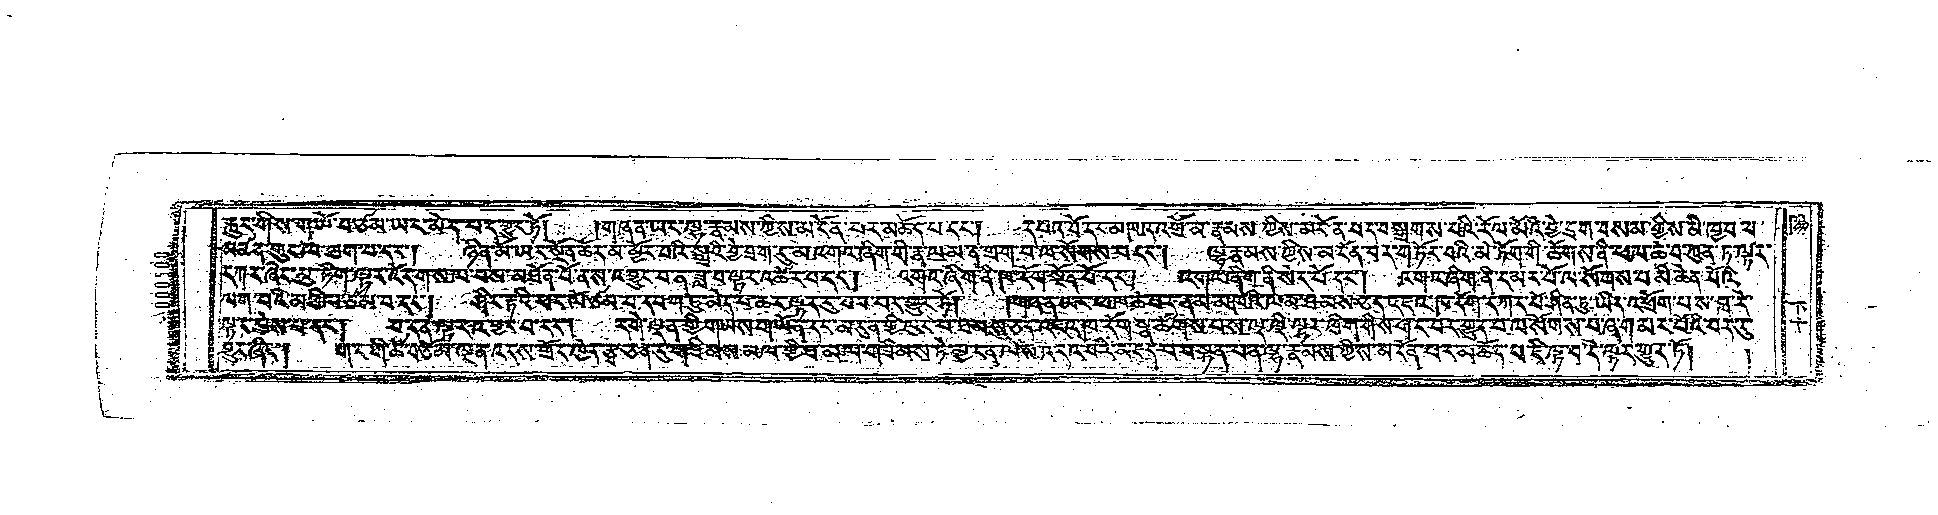རླུང་གིས་གཡོ་བ་ཙམ་ཡང་མེད་པར་གྱུར་ཏོ། །གཞན་ཡང་ལྷ་རྣམས་ཀྱིས་མངོན་པར་མཆོད་པ་དང་། དཔའ་བོ་དང་མཁའ་འགྲོ་མ་རྣམས་ཀྱིས་མངོན་པར་བསྒྲགས་པའི་རོལ་མོའི་བྱེ་དྲག་བསམ་གྱིས་མི་ཁྱབ་པ་
མཚན་གུང་ལ་གྲག་པ་དང་། ཉིན་མོ་ཡང་སྔོན་ཆོར་མ་མྱོང་བའི་སྒྲའི་བྱེ་བྲག་དུ་མ་འགའ་ཞིག་གི་རྣ་ལམ་ན་གྲག་པ་ལ་སོགས་པ་དང་། ལྷ་རྣམས་ཀྱིས་མངོན་བར་གཏོར་བའི་མེ་ཏོག་གི་ཚོགས་ནི་ཕལ་ཆེ་བ་ཀུན་ཏ་ལྟར་
དཀར་ཞིང་མུ་ཐིག་ལྟར་འོད་གསལ་བས་མཐོང་པོ་ནས་འབྱུང་བ་ན་ཟླ་བ་ལྟར་འཚེར་བ་དང་། འགའ་ཞིག་ནི་ཁ་རོག་སྔོན་པོ་དང་། འགའ་ཞིག་ནི་སེར་པོ་དང་། འགའ་ཞིག་ནི་དམར་པོ་ལ་སོགས་པ་མི་ཆེན་པོའི་
ལག་པའི་མཐིལ་ཙམ་བ་དང་། ཤིང་རྟའི་ཕང་ལོ་ཙམ་པ་དཔག་ཏུ་མེད་པ་ཆར་ལྟར་དུ་བབ་པར་གྱུར་ཏོ། །གཞན་ཡང་ཕལ་ཆེར་བར་ནམ་མཁའི་ལམ་ཐམས་ཅད་འཇའ་ཁ་དོག་དཀར་པོ་ཤིན་ཏུ་ཡིད་འཕྲོག་པས་བླ་རེ་
ལྟར་བྲེས་པ་དང་། བ་དན་ལྟར་འཕྱང་བ་དང་། དགེ་ལྡན་གྱི་གཡས་གཡོན་དང་མདུན་གྱི་ལུང་པ་ཐམས་ཅད་འཇའ་ཁ་དོག་སྣ་ཚོགས་པས་ལྔ་ལྡི་ལྟར་ཁྲིག་གིས་གང་བར་གྱུར་པ་ལ་སོགས་པ་ཞ་ག་མང་པོའི་བར་དུ་
བྱུང་ཞིང་། གང་གི་ཚེ་བཅོམ་ལྡན་འདས་གྲོང་ཁྱེར་རྩྭ་ཅན་དུ་གཟིམས་མལ་གྱི་ཐ་མལ་གཟིམས་ཏེ་མྱ་ངན་ལས་འདའ་བའི་མཛད་པ་བསྟན་པ་ན་ལྷ་རྣམས་ཀྱིས་མངོན་པར་མཆོད་པ་ཇི་ལྟ་བ་དེ་ལྟར་གྱུར་ཏོ། །